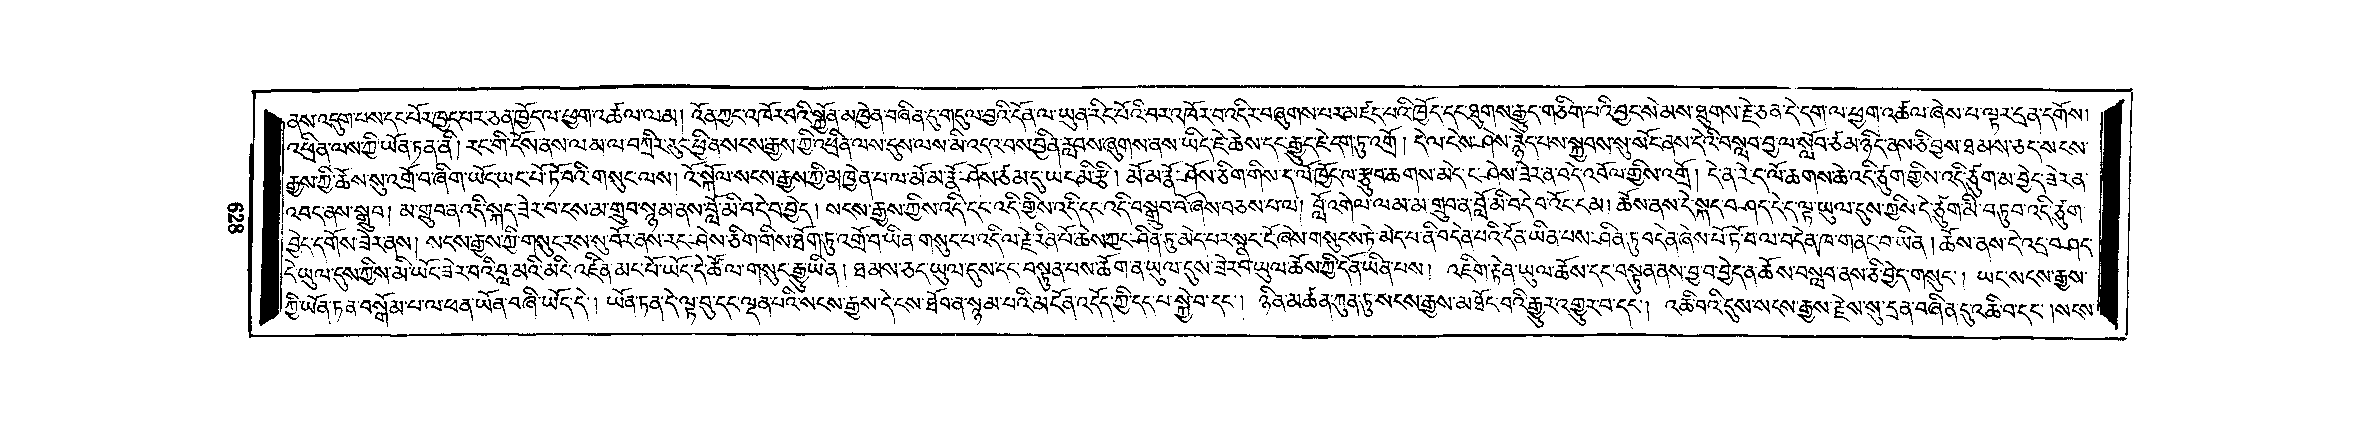ནས་འདུག་པས་དང་པོར་ཁྱད་པར་ཅན་ཁྱོད་ལ་ཕྱག་འཚལ་ལམ། འོན་ཀྱང་འཁོར་བའི་སྐྱོན་མཁྱེན་བཞིན་དུ་གདུལ་བྱའི་དོན་ལ་ཡུན་རིང་པོའི་བར་འཁོར་བ་འདིར་བཞུགས་པར་མཛད་པའི་ཁྱོད་དང་ཐུགས་རྒྱུད་གཅིག་པའི་བྱང་སེམས་ཐུགས་རྗེ་ཅན་དེ་དག་ལ་ཕྱག་འཚལ་ཞེས་པ་ལྟར་དྲན་དགོས།
འཕྲིན་ལས་ཀྱི་ཡོན་ཏན་ནི། རང་གི་ངོས་ནས་ལམ་ལ་བཀྲིར་རུང་ཕྱིན་སངས་རྒྱས་ཀྱི་འཕྲིན་ལས་དུས་ལས་མི་འདའ་བས་བྱིན་རླབས་ཞུགས་ནས་ཡིད་ཇེ་ཆེས་དང་རྒྱུད་ཇེ་དག་ཏུ་འགྲོ་།དེ་ལ་ངེས་ཤེས་རྙེད་པས་སྐྱབས་སུ་སོང་ནས་དེའི་བསླབ་བྱ་ལ་སློབ་ཙམ་ཉིད་ནས་ཅི་བྱས་ཐམས་ཅད་སངས་
རྒྱས་ཀྱི་ཆོས་སུ་འགྲོ་བ་ཞིག་ཡོང་ཡང་པོ་ཏོ་བའི་གསུང་ལས། འོ་སྐོལ་སངས་རྒྱས་ཀྱི་མཁྱེན་པ་ལ་མོ་མ་རྣོ་ཤོས་ཙམ་དུ་ཡང་མི་རྩི། མོ་མ་རྣོ་ཤོས་ཅིག་གི་ད་ལོ་ཁྱོད་ལ་རྩུབ་ཆགས་མེད་ང་ཤེས་ཟེར་ན་བདེ་འབོལ་གྱིས་འགྲོ་།དེ་ན་རེ་ད་ལོ་ཆགས་ཆེ་འདི་ཙུག་གྱིས་འདི་ཙུག་མ་བྱེད་ཟེར་ན་
འབད་ནས་སྒྲུབ། མ་གྲུབ་ན་འདི་སྐད་ཟེར་བ་ངས་མ་གྲུབ་སྙམ་ནས་བློ་མི་བདེ་བ་བྱེད། སངས་རྒྱས་ཀྱིས་འདི་དང་འདི་གྱིས་འདི་དང་འདི་བསྒྲུབ་བོ་ཞེས་བཅས་པ་ལ། བློ་འགེལ་ལམ་མ་གྲུབ་ན་བློ་མི་བདེ་བ་འོང་དམ། ཆོས་ནས་དེ་སྐད་བཤད་དེ་ད་ལྟ་ཡུལ་དུས་ཀྱིས་དེ་ཙུག་མི་བཏུབ་འདི་ཙུག་
བྱེད་དགོས་ཟེར་ནས། སངས་རྒྱས་ཀྱི་གསུང་རས་སུ་བོར་ནས་རང་ཤེས་ཅིག་གིས་ཐོག་ཏུ་འགྲོ་བ་ཡིན་གསུང་པ་འདི་ལ་རྗེ་རིན་པོ་ཆེས་ཀྱང་ཤིན་ཏུ་མེད་པར་སྣང་ངོ་ཞེས་གསུངས་ཏེ་མེད་པ་ནི་བདེན་པའི་དོན་ཡིན་པས་ཤིན་ཏུ་བདེན་ཞེས་པོ་ཏོ་བ་ལ་བདེན་ཁ་གནང་བ་ཡིན། ཆོས་ན་དེ་འདྲ་བཤད་
དེ་ཡུལ་དུས་ཀྱིས་མི་ཡོང་ཟེར་བའི་བླ་མའི་མིང་འཛིན་མང་པོ་ཡོད་དེ་ཚོ་ལ་གསུང་རྒྱུ་ཡིན། ཐམས་ཅད་ཡུལ་དུས་དང་བསྟུན་པས་ཆོག་ན་ཡུལ་དུས་ཟེར་བ་ཡུལ་ཆོས་ཀྱི་དོན་ཡིན་པས། འཇིག་རྟེན་ཡུལ་ཆོས་དང་བསྟུན་ནས་བྱ་བ་བྱེད་ན་ཆོས་བསླབ་ནས་ཅི་བྱེད་གསུང་། ཡང་སངས་རྒྱས་
ཀྱི་ཡོན་ཏན་བསྒོམ་པ་ལ་ཕན་ཡོན་བཞི་ཡོད་དེ། ཡོན་ཏན་དེ་ལྟ་བུ་དང་ལྡན་པའི་སངས་རྒྱས་དེ་ངས་ཐོབ་ན་སྙམ་པའི་མངོན་འདོད་ཀྱི་དད་པ་སྐྱེ་བ་དང་། ཉིན་མཚན་ཀུན་ཏུ་སངས་རྒྱས་མཐོང་བའི་རྒྱུར་འགྱུར་བ་དང་། འཆི་བའི་དུས་སངས་རྒྱས་རྗེས་སུ་དྲན་བཞིན་དུ་འཆི་བ་དང་། སངས་